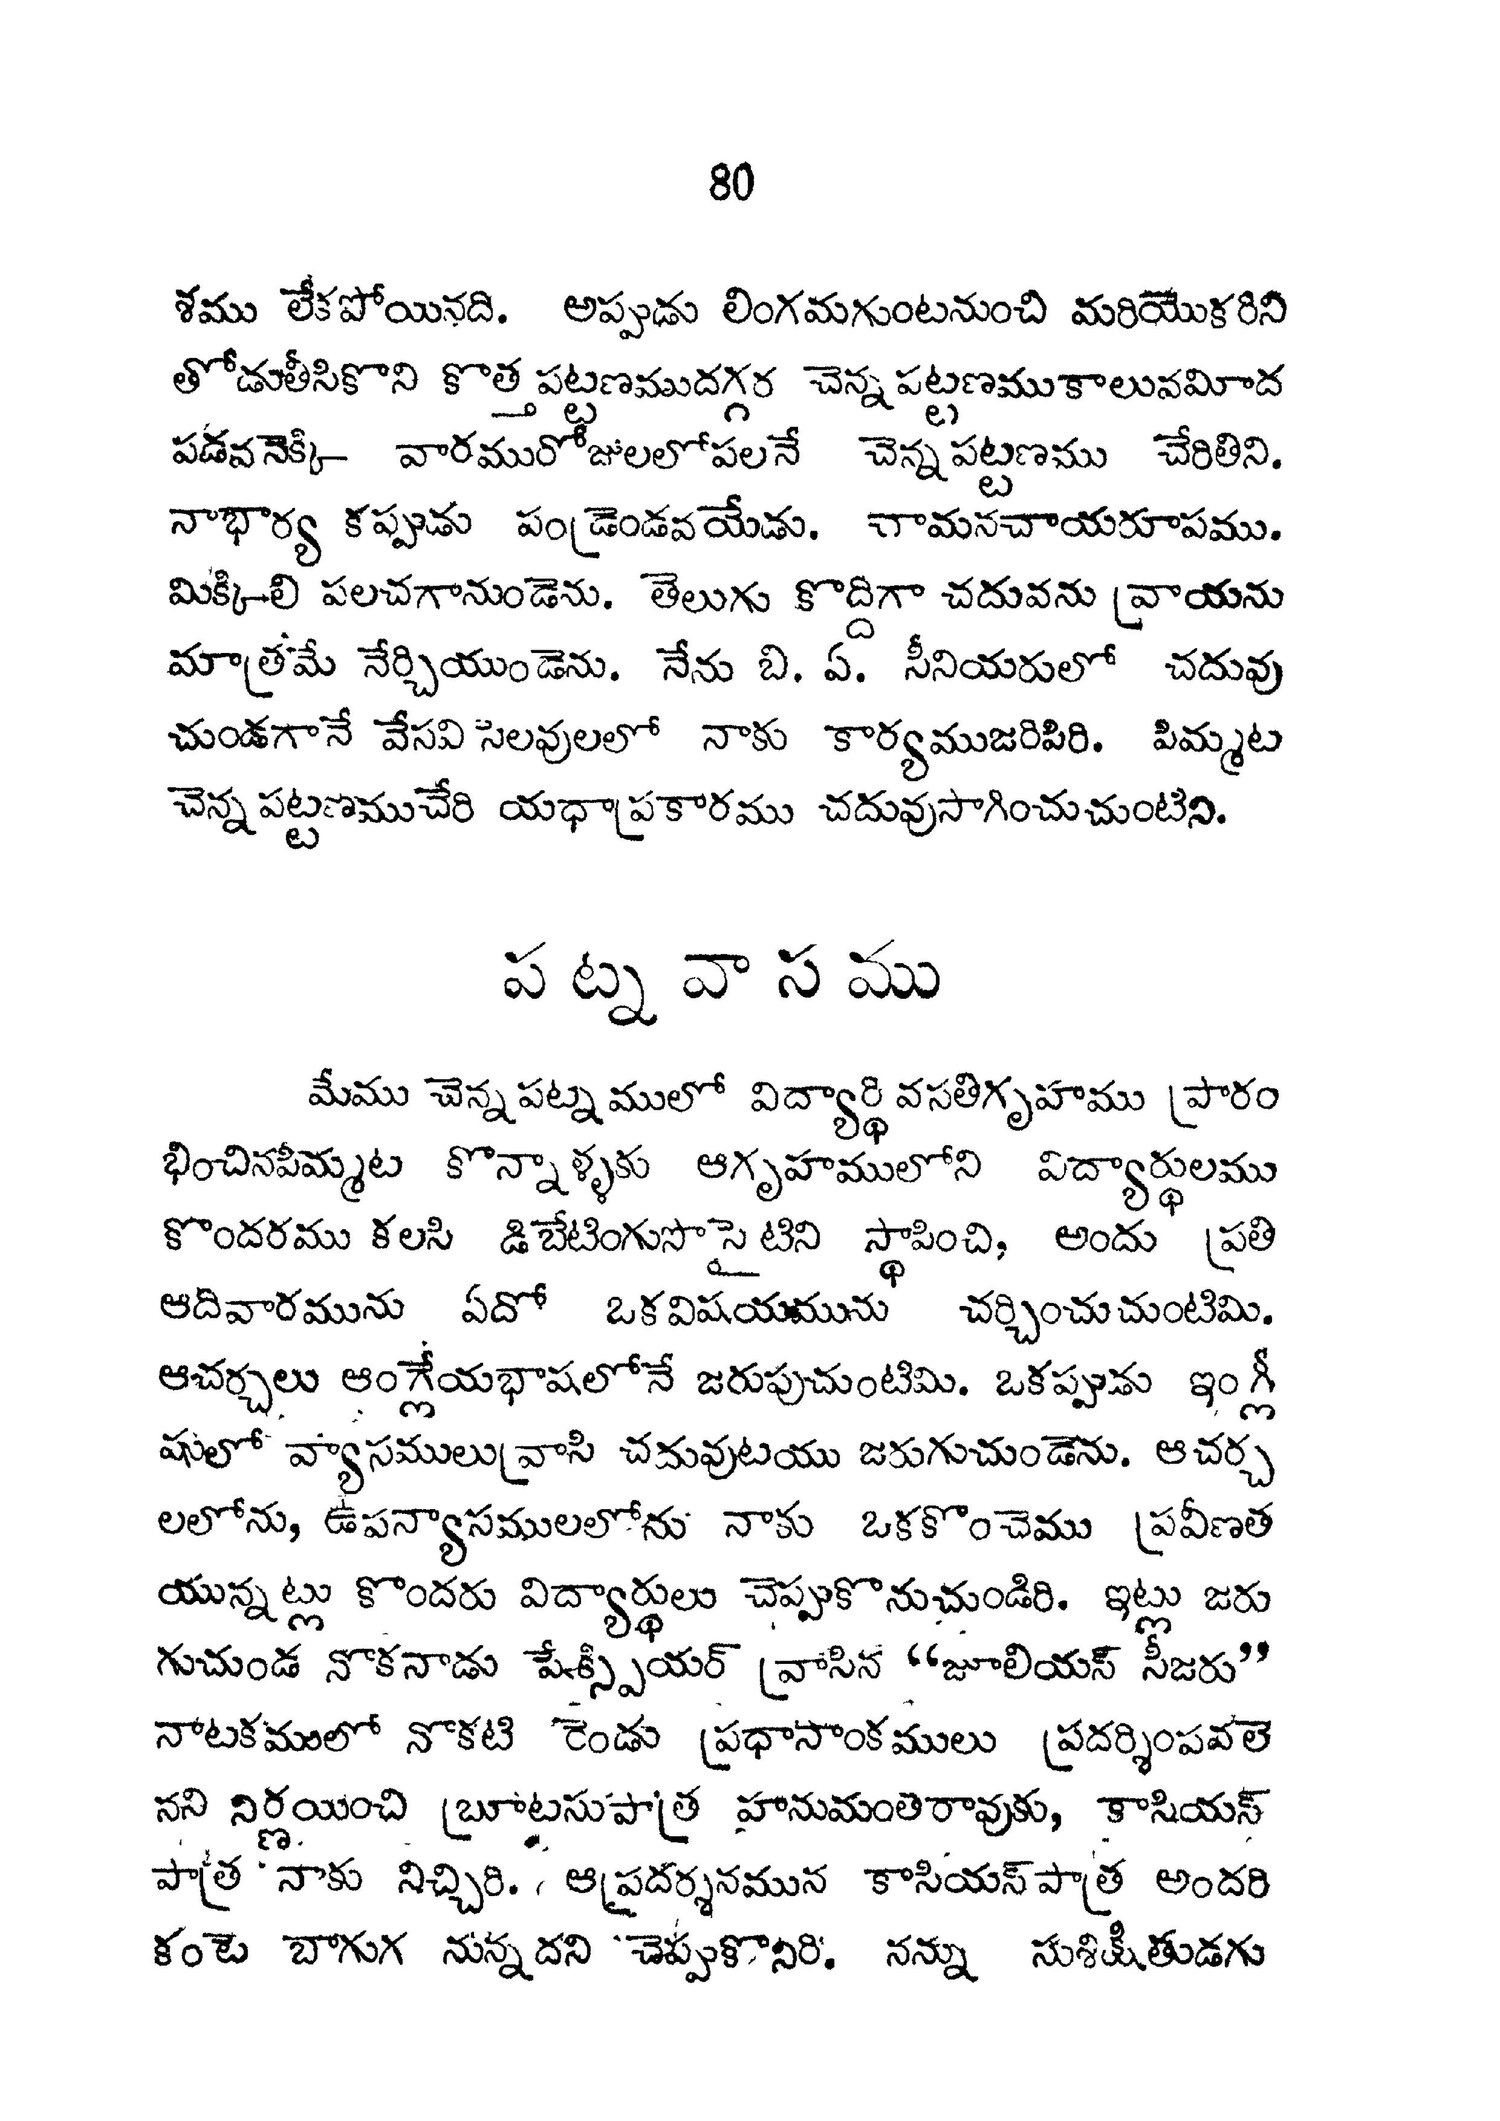శము లేకపోయినది. అప్పుడు లింగమగుంటనుంచి మరియొకరిని తోడుతీసికొని కొత్తపట్టణముదగ్గర చెన్నపట్టణముకాలువమీద పడవనెక్కి వారమురోజులలోపలనే చెన్నపట్టణము చేరితిని. నాభార్య కప్పుడు పండ్రెండవయేడు. చామనచాయరూపము. మిక్కిలి పలచగానుండెను. తెలుగు కొద్దిగా చదువను వ్రాయను మాత్రమే నేర్చియుండెను. నేను బి. ఏ. సీనియరులో చదువుచుండగానే వేసవి సెలవులలో నాకు కార్యముజరిపిరి. పిమ్మట చెన్నపట్టణముచేరి యధాప్రకారము చదువుసాగించుచుంటిని. 

మేము చెన్నపట్నములో విద్యార్థివసతిగృహము ప్రారంభించినపిమ్మట కొన్నాళ్ళకు ఆగృహములోని విద్యార్థులము కొందరము కలసి డిబేటింగుసొసైటిని స్థాపించి, అందు ప్రతి ఆదివారమును ఏదో ఒకవిషయమును చర్చించుచుంటిమి. ఆచర్చలు ఆంగ్లేయభాషలోనే జరుపుచుంటిమి. ఒకప్పుడు ఇంగ్లీషులో వ్యాసములువ్రాసి చదువుటయు జరుగుచుండెను. ఆచర్చలలోను, ఉపన్యాసములలోను నాకు ఒకకొంచెము ప్రవీణత యున్నట్లు కొందరు విద్యార్థులు చెప్పుకొనుచుండిరి. ఇట్లు జరుగుచుండ నొకనాడు షేక్స్పియర్ వ్రాసిన "జూలియస్ సీజరు" నాటకములో నొకటి రెండు ప్రధానాంకములు ప్రదర్శింపవలెనని నిర్ణయించి బ్రూటసుపాత్ర హనుమంతురావుకు, కాసియస్ పాత్ర నాకు నిచ్చిరి. ఆప్రదర్శనమున కాసియస్‌పాత్ర అందరికంటె బాగుగ నున్నదని చెప్పుకొనిరి. నన్ను సుశిక్షితుడగు